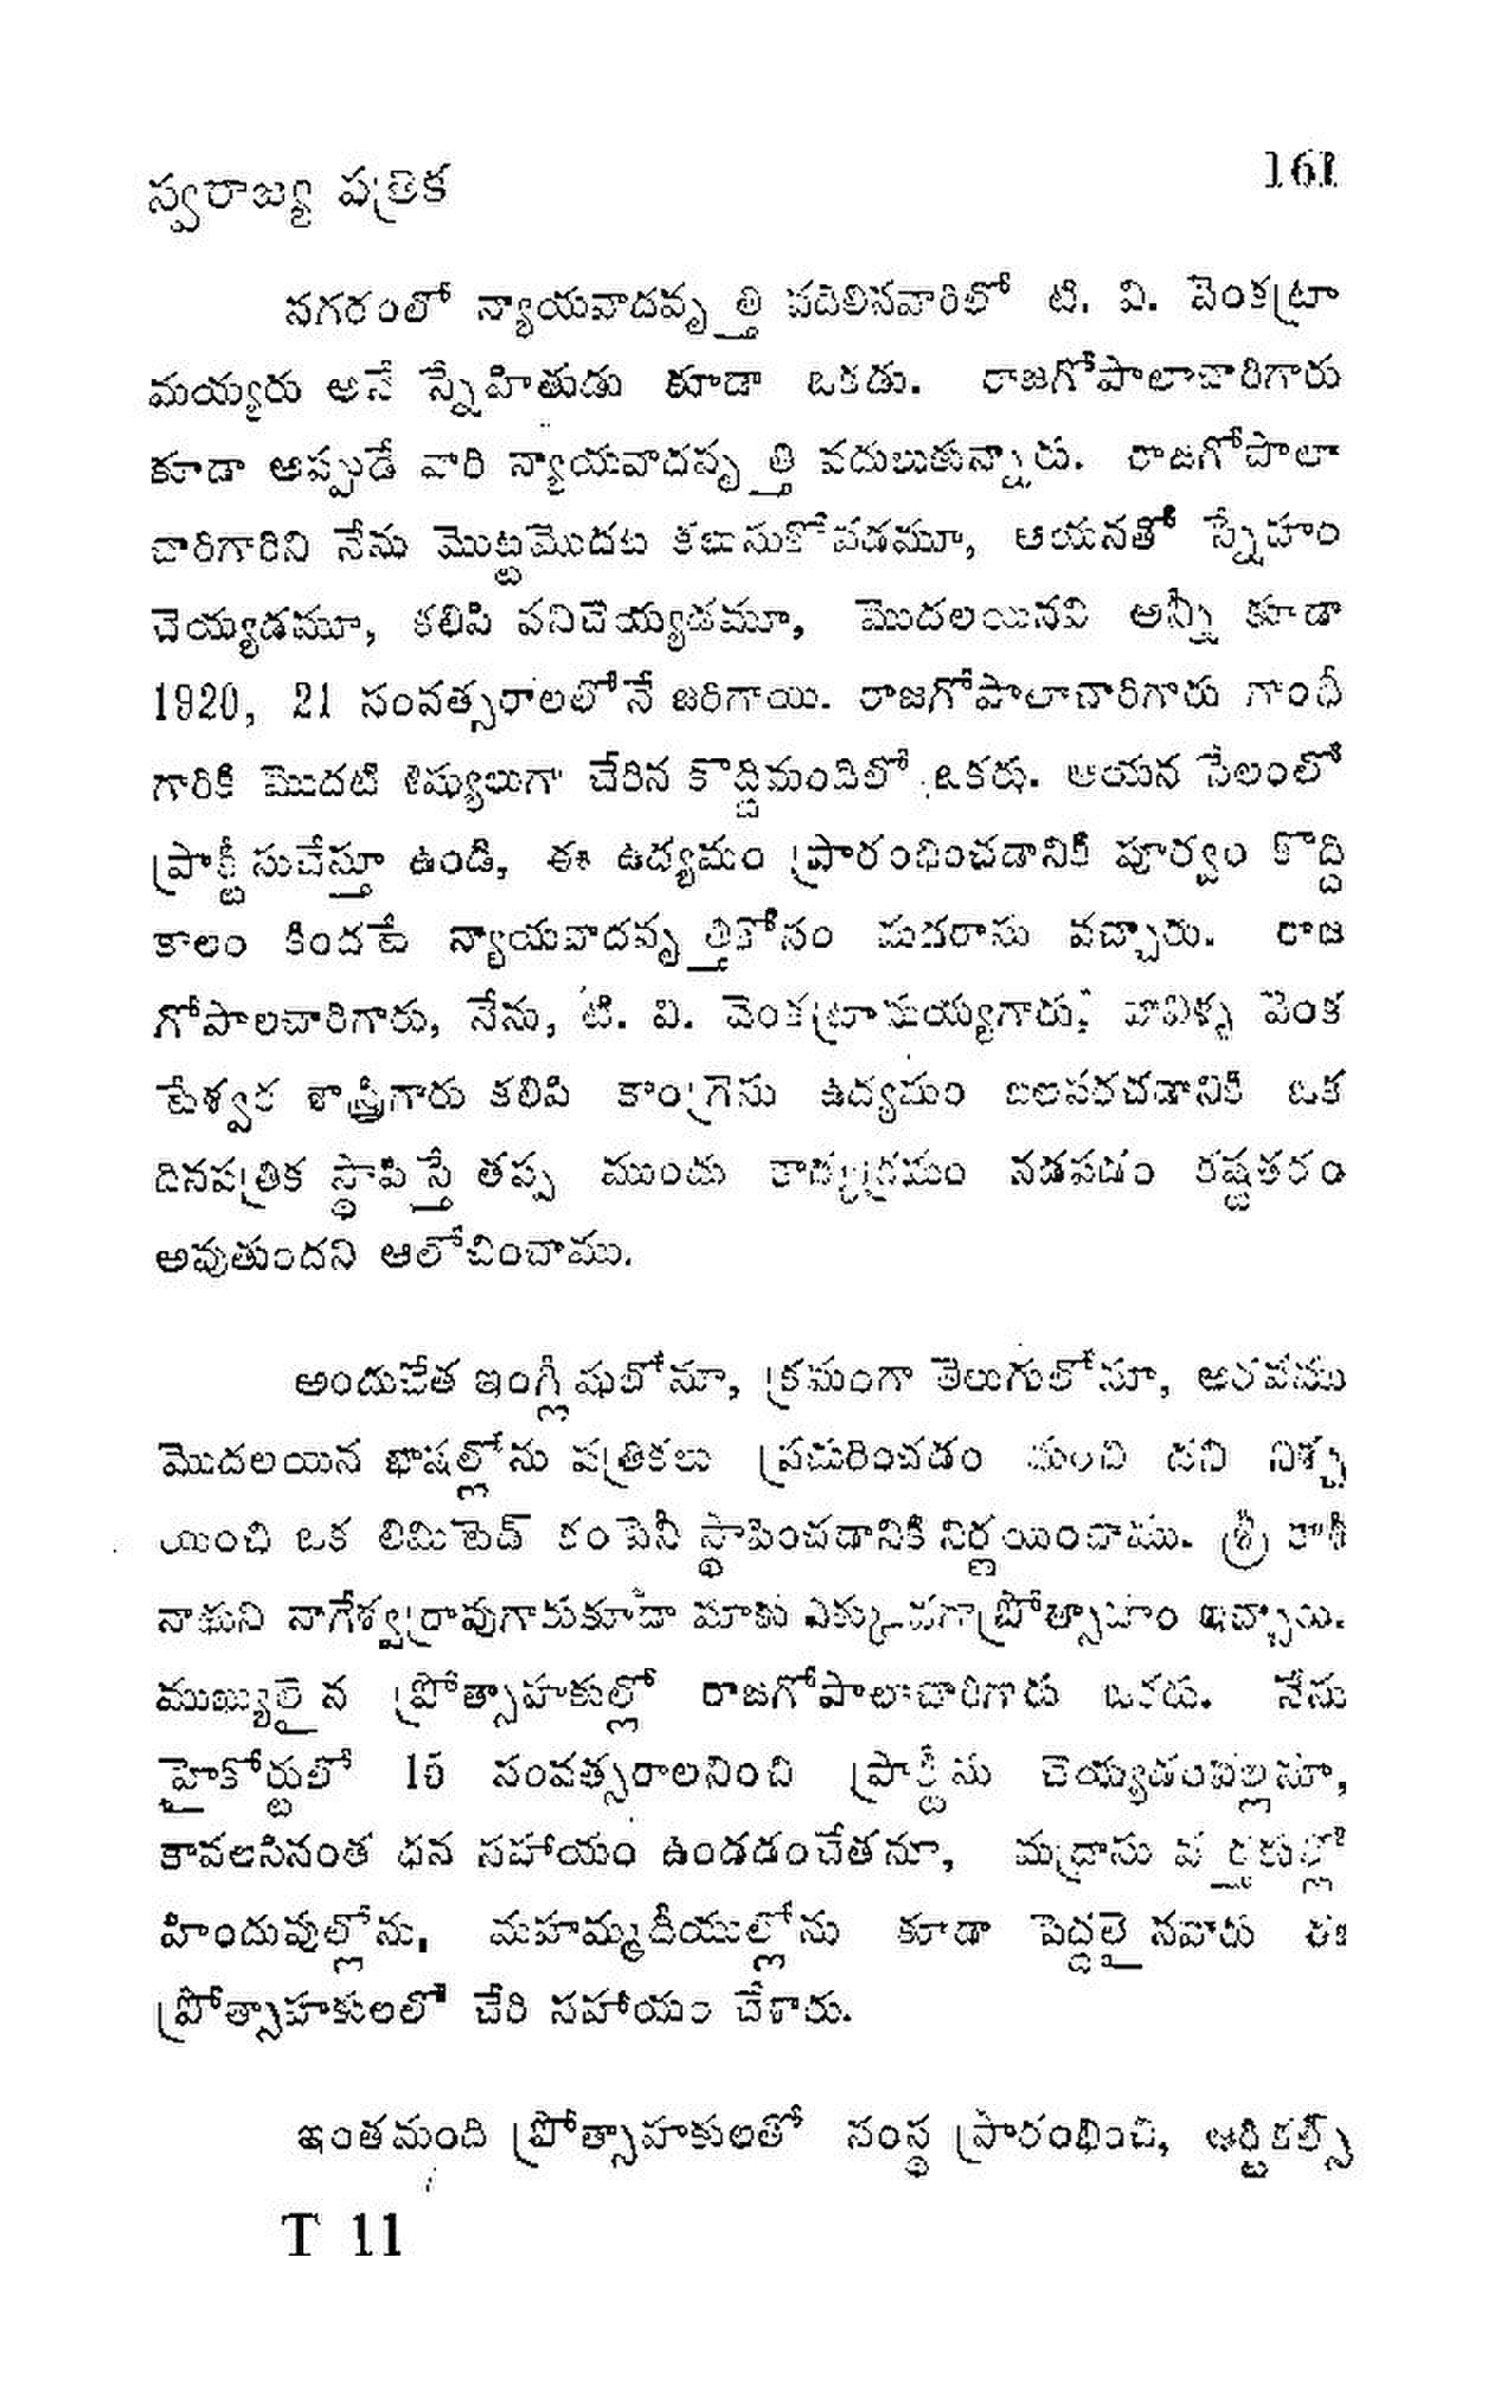నగరంలో న్యాయవాదవృత్తి వదిలినవారిలో టి. వి. వెంకట్రామయ్యరు అనే స్నేహితుడు కూడా ఒకడు. రాజగోపాలాచారిగారు కూడా అప్పుడే వారి న్యాయవాదవృత్తి వదులుకున్నారు. రాజగోపాలాచారిగారిని నేను మొట్టమొదట కలుసుకోవడమూ, ఆయనతో స్నేహం చెయ్యడమూ, కలిపి పనిచెయ్యడమూ, మొదలయినవి అన్నీ కూడా 1920, 21 సంవత్సరాలలోనే జరిగాయి. రాజగోపాలాచారిగారు గాంధీగారికి మొదటి శిష్యులుగా చేరిన కొద్దిమందిలో ఒకరు. ఆయన సేలంలో ప్రాక్టీసుచేస్తూ ఉండి, ఈ ఉద్యమం ప్రారంభించడానికి పూర్వం కొద్దికాలం కిందటే న్యాయవాదవృత్తికోసం మదరాసు వచ్చారు. రాజగోపాలాచారిగారు, నేను, టి. వి. వెంకట్రామయ్యరు గారు, వావిళ్ళ వెంకటేశ్వర శాస్త్రిగారు కలిసి కాంగ్రెసు ఉద్యమం బలపరచ డానికి ఒక దినపత్రిక స్థాపిస్తే తప్ప ముందు కార్యక్రమం నడపడం కష్టతరం అవుతుందని ఆలోచించాము.

అందుచేత ఇంగ్లీషులోనూ, క్రమంగా తెలుగులోనూ, అరవము మొదలయిన భాషల్లోను పత్రికలు ప్రచురించడం మంచి దని నిశ్చయించి ఒక లిమిటెడ్ కంపెనీ స్థాపించడానికి నిర్ణయించాము. శ్రీ కాశీనాథుని నాగేశ్వర్రావుగారు కూడా మాకు ఎక్కువగా ప్రోత్సాహం ఇచ్చారు. ముఖ్యులైన ప్రోత్సాహకుల్లో రాజగోపాలాచారిగారు ఒకరు. నేను హైకోర్టులో 15 సంవత్సరాలనించి ప్రాక్టీసు చెయ్యడంవల్లనూ, కావలసినంత ధన సహాయం ఉండడంచేతనూ, మద్రాసు వర్తకుల్లో హిందువుల్లోనూ, మహమ్మదీయుల్లోను కూడా పెద్దలైనవారు ఈ ప్రోత్సాహకులలో చేరి సహాయం చేశారు.

ఇంతమంది ప్రోత్సాహకులతో సంస్థ ప్రారంభించి, ఆర్టికల్స్